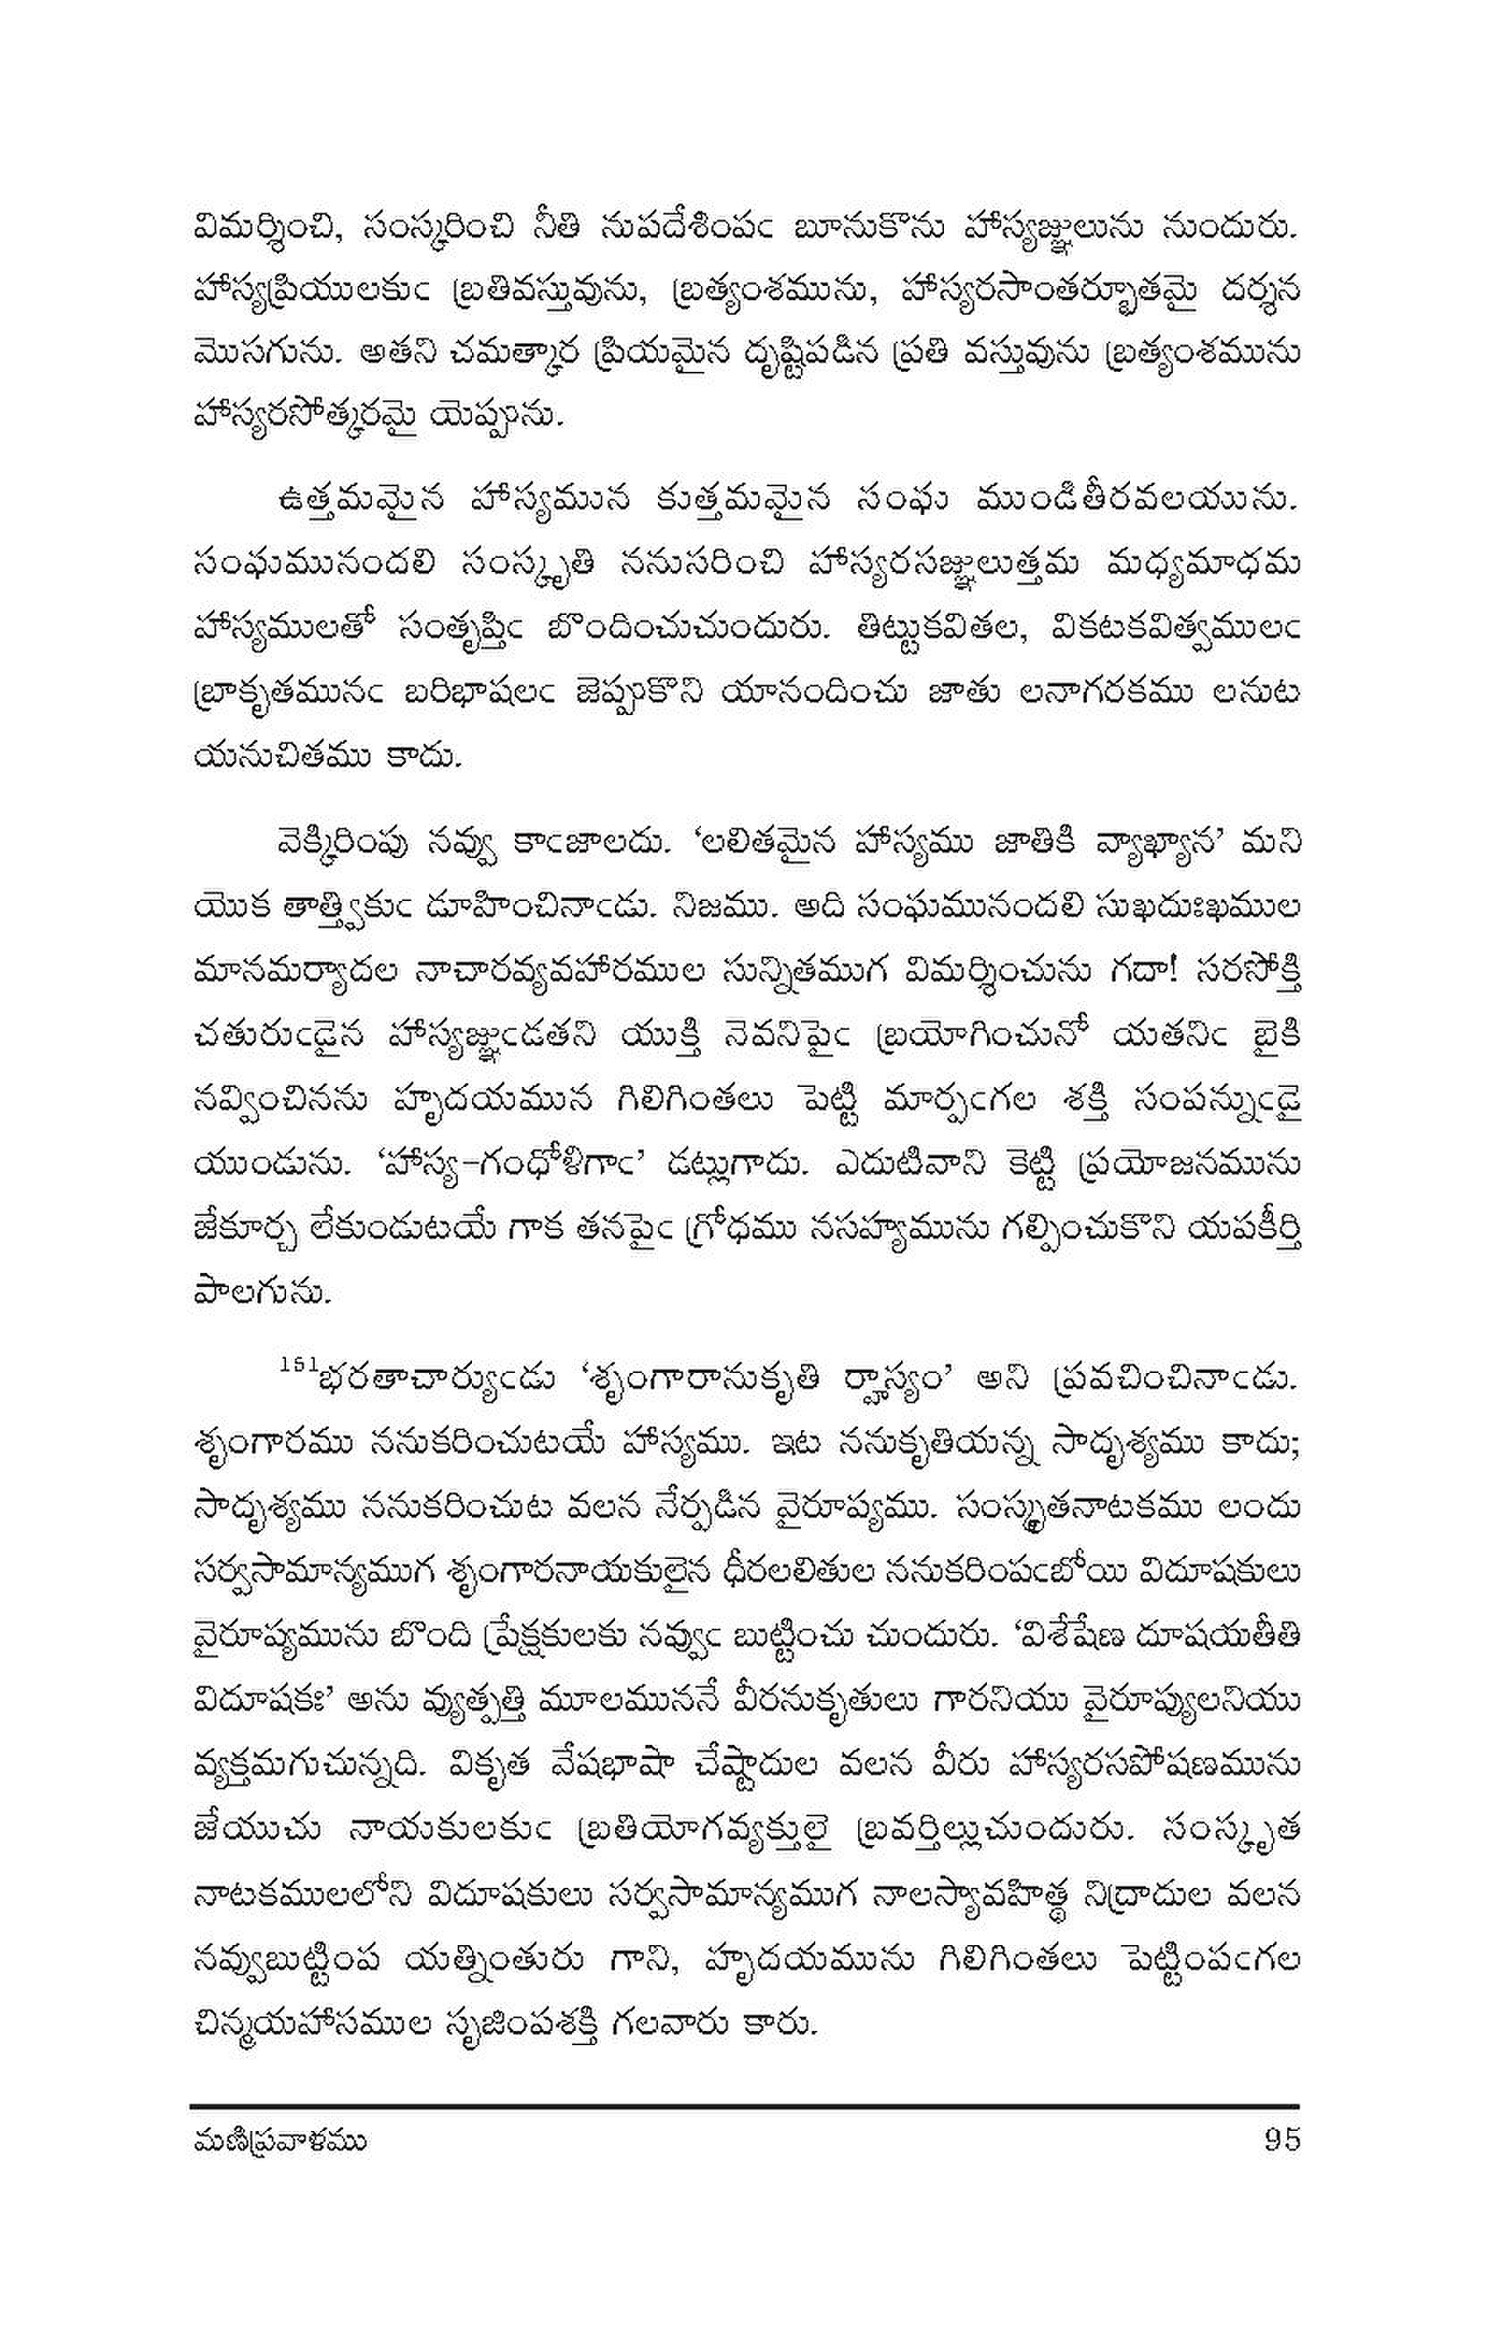విమర్శించి, సంస్కరించి నీతి నుపదేశింపఁ బూనుకొను హాస్యజ్ఞులును నుందురు.
హాస్యప్రియులకుఁ బ్రతివస్తువును, బ్రత్యంశమును, హాస్యరసాంతర్భూతమై దర్శన
మొసగును. అతని చమత్కార ప్రియమైన దృష్టిపడిన ప్రతి వస్తువును బ్రత్యంశమును
హాస్యరసోత్కరమై యెప్పును.

ఉత్తమమైన హాస్యమున కుత్తమమైన సంఘ ముండితీరవలయును.
సంఘమునందలి సంస్కృతి ననుసరించి హాస్యరసజ్ఞులుత్తమ మధ్యమాధమ
హాస్యములతో సంతృప్తిఁ బొందించుచుందురు. తిట్టుకవితల, వికటకవిత్వములఁ
బ్రాకృతమునఁ బరిభాషలఁ జెప్పుకొని యానందించు జాతు లనాగరకము లనుట
యనుచితము కాదు.

వెక్కిరింపు నవ్వు కాఁజాలదు. 'లలితమైన హాస్యము జాతికి వ్యాఖ్యాన' మని
యొక తాత్త్వికుఁ డూహించినాఁడు. నిజము. అది సంఘమునందలి సుఖదుఃఖముల
మానమర్యాదల నాచారవ్యవహారముల సున్నితముగ విమర్శించును గదా! సరసోక్తి
చతురుఁడైన హాస్యజ్ఞుఁడతని యుక్తి నెవనిపైఁ బ్రయోగించునో యతనిఁ బైకి
నవ్వించినను హృదయమున గిలిగింతలు పెట్టి మార్పఁగల శక్తి సంపన్నుఁడై
యుండును. 'హాస్య-గంధోళిగాఁ' డట్లుగాదు. ఎదుటివాని కెట్టి ప్రయోజనమును
జేకూర్చ లేకుండుటయే గాక తనపైఁ గ్రోధము నసహ్యమును గల్పించుకొని యపకీర్తి
పాలగును.

భరతాచార్యుడు 'శృంగారానుకృతి ర్హాస్యం' అని ప్రవచించినాఁడు.
శృంగారము ననుకరించుటయే హాస్యము. ఇట ననుకృతియన్న సాదృశ్యము కాదు;
సాదృశ్యము ననుకరించుట వలన నేర్పడిన వైరూప్యము. సంస్కృతనాటకము లందు
సర్వసామాన్యముగ శృంగారనాయకులైన ధీరలలితుల ననుకరింపఁబోయి విదూషకులు
వైరూప్యమును బొంది ప్రేక్షకులకు నవ్వుఁ బుట్టించు చుందురు. 'విశేషేణ దూషయతీతి
విదూషకః' అను వ్యుత్పత్తి మూలముననే వీరనుకృతులు గారనియు వైరూప్యులనియు
వ్యక్తమగుచున్నది. వికృత వేషభాషా చేష్టాదుల వలన వీరు హాస్యరసపోషణమును
జేయుచు నాయకులకుఁ బ్రతియోగవ్యక్తులై బ్రవర్తిల్లుచుందురు. సంస్కృత
నాటకములలోని విదూషకులు సర్వసామాన్యముగ నాలస్యావహిత్థ నిద్రాదుల వలన
నవ్వుబుట్టింప యత్నింతురు గాని, హృదయమును గిలిగింతలు పెట్టింపఁగల
చిన్మయహాసముల సృజింపశక్తి గలవారు కారు.